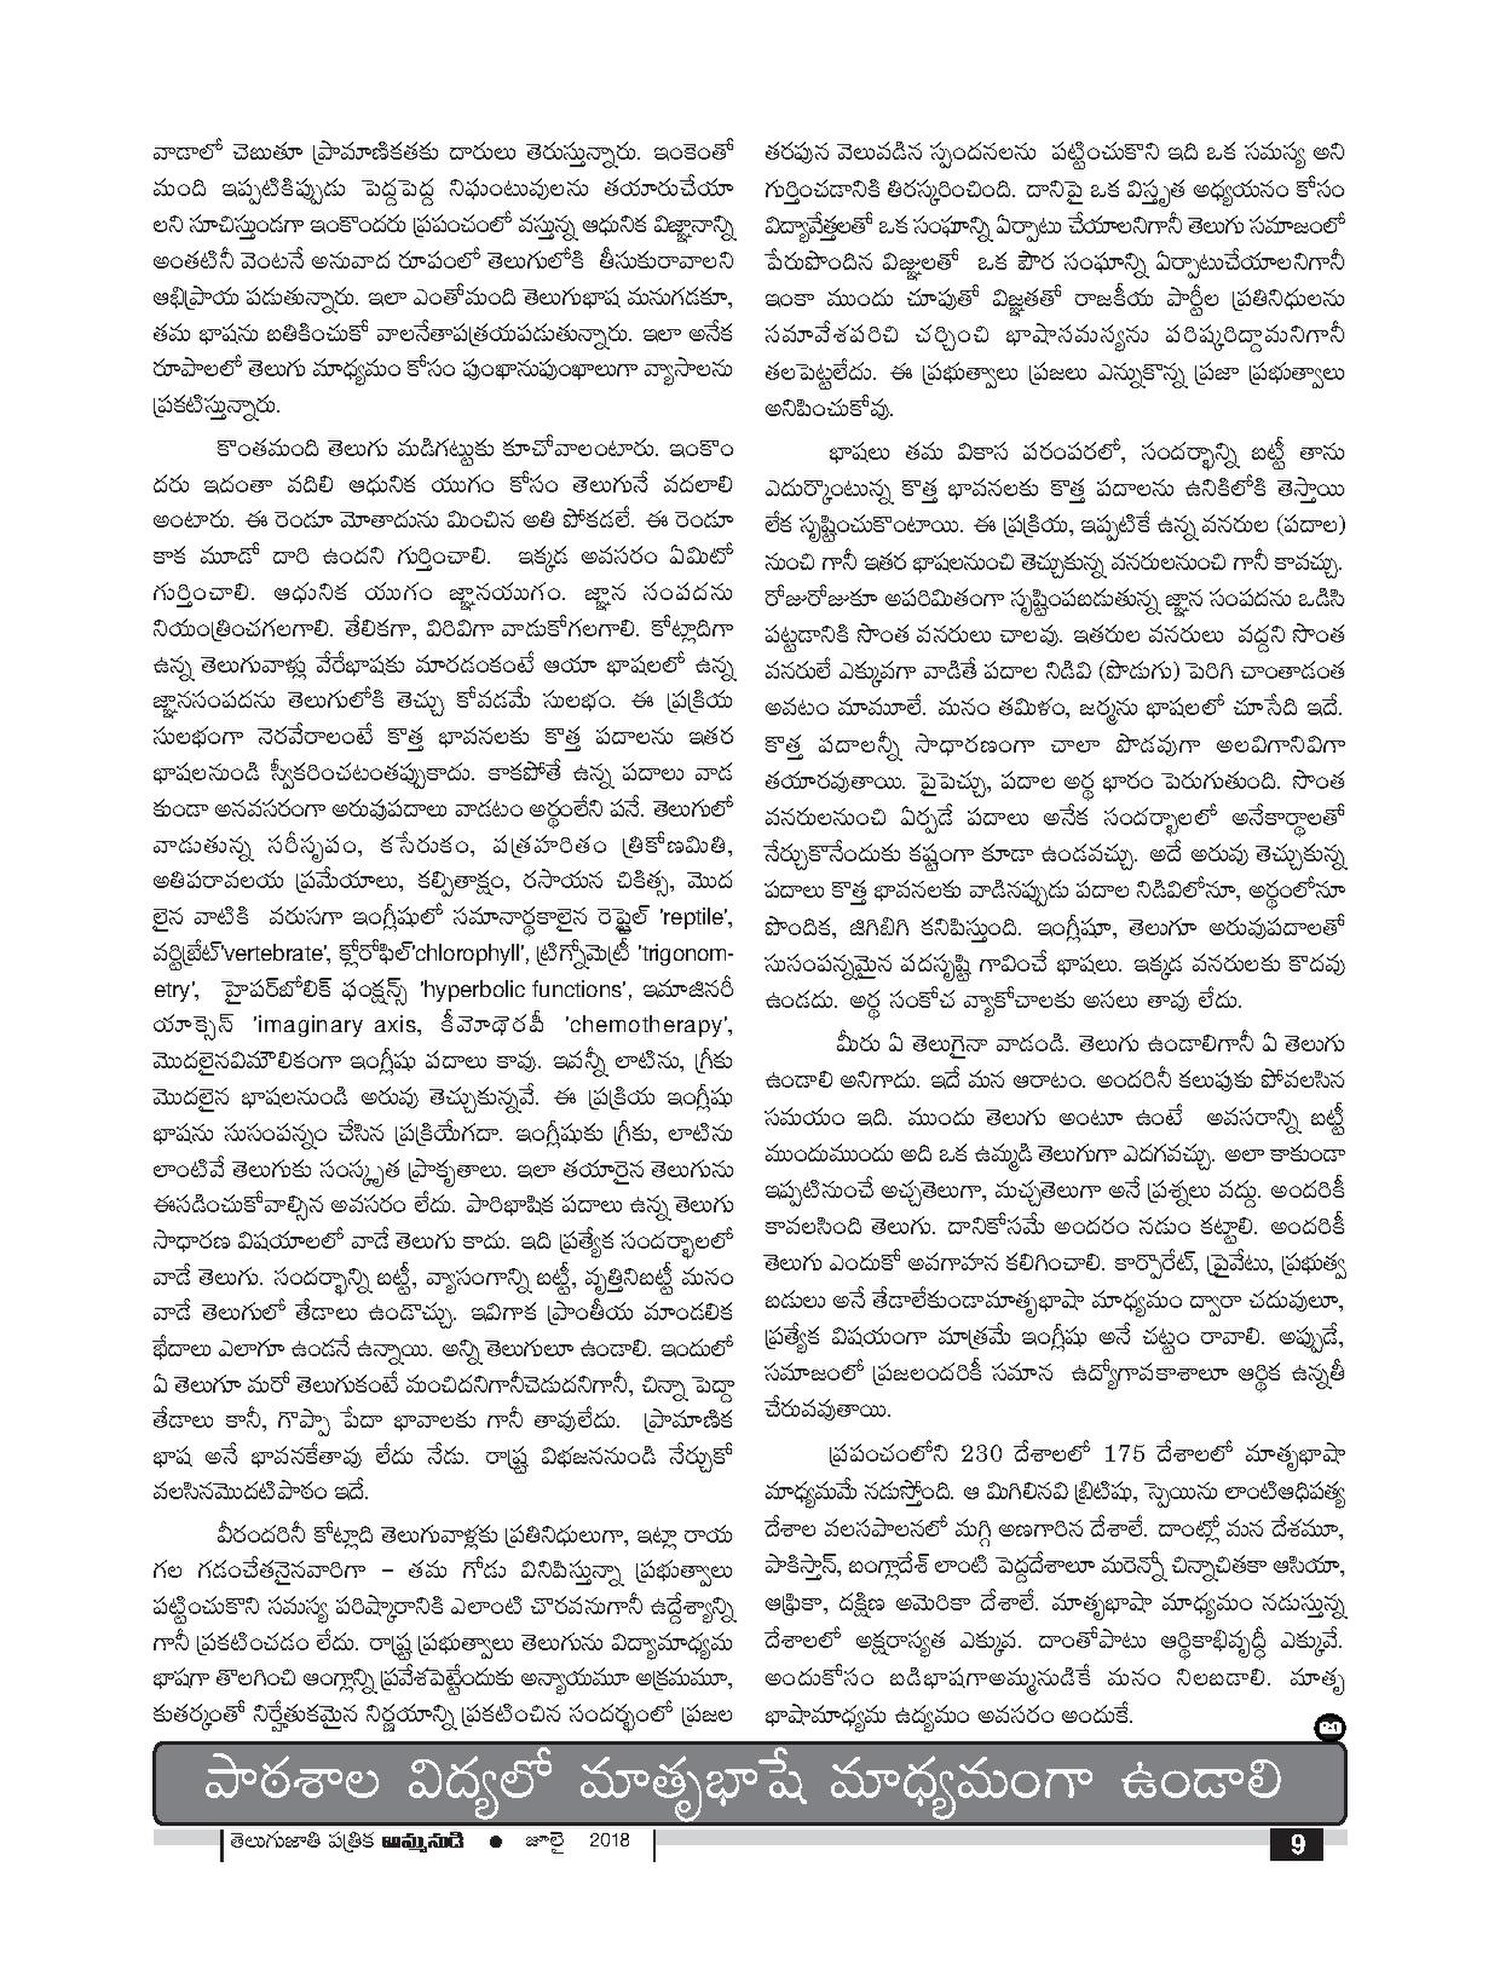వాడాలో చెబుతూ ప్రామాణికతకు దారులు తెరుస్తున్నారు. ఇంకెంతో మంది ఇప్పటికిప్పుడు పెద్దపెద్ద నిఘంటువులను తయారుచేయాలని సూచిస్తూండగా ఇంకొందరు ప్రపంచంలో వస్తున్న ఆధునిక విజ్ఞానాన్ని అంతటినీ వెంటనే అనువాద రూపంలో తెలుగులోకి తీసుకురావాలని అభిప్రాయ పడుతున్నారు. ఇలా ఎంతోమంది తెలుగుభాష మనుగడకూ, తమ భాషను బతికించుకో వాలనే తాపత్రయపడుతున్నారు. ఇలా అనేక రూపాలలో తెలుగు మాధ్యమం కోసం పుంఖానుపుంఖాలుగా వ్యాసాలను ప్రకటిస్తున్నారు.

కొంతమంది తెలుగు మడిగట్టుకు కూచోవాలంటారు. ఇంకొందరు ఇదంతా వదిలి ఆధునిక యుగం కోసం తెలుగునే వదలాలి అంటారు. ఈ రెండూ మోతాదును మించిన అతి పోకడలే. ఈ రెండూ కాక మూడో దారి ఉందని గుర్తించాలి. ఇక్కడ అవసరం ఏమిటో గుర్తించాలి. ఆధునిక యగం జ్ఞానయుగం, జ్ఞాన సంపదను నియంత్రించగలగాలి. తేలికగా, విరివిగా వాడుకోగలగాలి. కోట్లాదిగా ఉన్న తెలుగువాళ్లు వేరేభాషకు మారడంకంటే ఆయా భాషలలో ఉన్న జ్ఞానసంపదను తెలుగులోకి తెచ్చు కోవడమే సులభం. ఈ ప్రక్రియ సులభంగా నెరవేరాలంటే కొత్త భావనలకు కొత్త పదాలను ఇతర భాషలనుండి స్వీకరించడంతప్పుకాదు. కాకపోతే ఉన్న పదాలు వాడ కుండా అనవసరంగా అరవుపదాలు వాడటం అర్థం లేని పనే. తెలుగులో వాడుతున్న సరీసృపం, కసేరుకం, పత్రహరితం త్రికోణమితి, అతిపరావలయ ప్రమేయాలు, కల్పితాక్షం, రసాయన చికిత్స, మొదలైన వాటికి వరుసగా ఇంగ్లీషులో సమానార్థకాలైన రెప్టైల్ 'reptile', వర్టిబ్రేట్ 'vertebrate', క్లోరోఫిల్ 'chlorophyll', ట్రిగ్నోమెట్రీ 'trigonometry', హైపర్‌బోలిక్ ఫంక్షన్స్ 'hyperbolic functions', ఇమాజినరీ యాక్సెస్ 'imaginary axis', కీమోథెరపీ 'chemotherapy', మొదలైనవిమౌలికంగా ఇంగ్లీషు పదాలు కావు. ఇవన్నీ లాటిను, గ్రీకు మొదలైన భాషలనుండి అరువు తెచ్చుకున్నవే, ఈ ప్రక్రియ ఇంగ్లీషు భాషను సుసంపన్నం చేసిన ప్రక్రియేగదా. ఇంగ్లీషుకు గ్రీకు, లాటిను లాంటివే తెలుగుకు సంస్కృత ప్రాకృతాలు. ఇలా తయారైన తెలుగును ఈసడించుకోవాల్సిన అవసరం లేదు. పారిభాషిక పదాలు ఉన్న తెలుగు సాధారణ విషయాలలో వాడే తెలుగు కాదు. ఇది ప్రత్యేక సందర్భాలలో వాడే తెలుగు. సందర్భాన్ని బట్టీ, వ్యాసంగాన్ని బట్టీ, వృత్తినిబట్టీ మనం వాడే తెలుగులో తేడాలు ఉండొచ్చు. ఇవిగాక ప్రాంతీయ మాండలిక భేదాలు ఎలాగూ ఉండనే ఉన్నాయి. అన్ని తెలుగులూ ఉండాలి. ఇందులో ఏ తెలుగూ మరో తెలుగుకంటే మంచిదనిగానీచెడుదనిగానీ, చిన్నా పెద్దా తేడాలు కానీ, గొప్పా పేదా భావాలకు గానీ తావులేదు. ప్రామాణిక భాష అనే భావనకేతావు లేదు నేడు. రాష్ట్ర విభజననుండి నేర్చుకోవలసిన మొదటిపాఠం ఇదే.

వీరందరినీ కోట్లాది తెలుగువాళ్లకు ప్రతినిధులుగా, ఇట్లా రాయగల గడంచేతనైనవారిగా - తమ గోడు వినిపిస్తున్నా ప్రభుత్వాలు పట్టించుకొని సమస్య పరిష్కారానికి ఎలాంటి చొరవనుగానీ ఉద్దేశ్యాన్ని గానీ ప్రకటించడం లేదు. రాష్ట్ర ప్రభుత్వాలు తెలుగును విద్యామాధ్యమభాషగా తొలగించి ఆంగ్లాన్ని ప్రవేశపెట్టేందుకు అన్యాయమూ అక్రమమూ, కుతర్కంతో నిర్హేతుకమైన నిర్ణయాన్ని ప్రకటించిన సందర్భంలో ప్రజల తరఫున వెలువడిన స్పందనలను పట్టించుకొని ఇది ఒక సమస్య అని గుర్తించడానికి తిరస్కరించింది. దానిపై ఒక విస్తృత అధ్యయనం కోసం విద్యావేత్తలతో ఒక సంఘాన్ని ఏర్పాటు చేయాలనిగానీ తెలుగు సమాజంలో పేరుపొందిన విజ్ఞులతో ఒక పౌర సంఘాన్ని ఏర్పాటుచేయాలనిగానీ ఇంకా ముందు చూపుతో విజ్ఞతతో రాజకీయ పార్టీల ప్రతినిధులను సమావేశపరిచి చర్చించి భాషాసమస్యను పరిష్కరిద్దామనిగానీ తలపెట్టలేదు. ఈ ప్రభుత్వాలు ప్రజలు ఎన్నుకొన్న ప్రజా ప్రభుత్వాలు అనిపించుకోవు.

భాషలు తమ వికాస పరంపరలో, సందర్భాన్ని బట్టీ తాను ఎదుర్కొంటున్న కొత్త భావనలకు కొత్త పదాలను ఉనికిలోకి తెస్తాయి లేక సృష్టించుకొంటాయి. ఈ ప్రక్రియ, ఇప్పటికే ఉన్న వనరుల (పదాల) నుంచి గానీ ఇతర భాషలనుంచి తెచ్చుకున్న వనరులనుంచి గానీ కావచ్చు. రోజురోజుకూ అపరిమితంగా సృష్టింపబడుతున్న జ్ఞాన సంపదను ఒడిసి పట్టడానికి సొంత వనరులు చాలవు. ఇతరుల వనరులు వద్దని సొంత వనరులే ఎక్కువగా వాడితే పదాల నిడివి (పొడుగు) పెరిగి చాంతాడంత అవటం మామూలే. మనం తమిళం, జర్మను భాషలలో చూసేది ఇదే. కొత్త పదాలన్నీ సాధారణంగా చాలా పొడవుగా అలవిగానివిగా తయారవుతాయి. పైపెచ్చు, పదాల అర్థ భారం పెరుగుతుంది. సొంత వనరులనుంచి ఏర్పడే పదాలు అనేక సందర్భాలలో అనేకార్థాలతో నేర్చుకొనేందుకు కష్టంగా కూడా ఉండవచ్చు. అదే అరువు తెచ్చుకున్న పదాలు కొత్త భావనలకు వాడినప్పుడు పదాల నిడివిలోనూ, అర్థంలోనూ పొందిక, జిగిబిగి కనిపిస్తుంది. ఇంగ్లీషూ, తెలుగూ అరువుపదాలతో సుసంపన్నమైన పదసృష్టి గావించే భాషలు. ఇక్కడ వనరులకు కొదవు ఉండదు. అర్థ సంకోచ వ్యాకోచాలకు అసలు తావు లేదు.

మీరు ఏ తెలుగైనా వాడండి. తెలుగు ఉండాలిగానీ ఏ తెలుగు ఉండాలి అనిగాదు. ఇదే మన ఆరాటం. అందరినీ కలుపుకు పోవలసిన సమయం ఇది. ముందు తెలుగు అంటూ ఉంటే అవసరాన్ని బట్టీ ముందుముందు అది ఒక ఉమ్మడి తెలుగుగా ఎదగవచ్చు. అలాకాకుండా ఇప్పటినుంచే అచ్చతెలుగా, మచ్చతెలుగా అనే ప్రశ్నలు వద్దు. అందరికీ కావలసింది తెలుగు. దానికోసమే అందరం నడుం కట్టాలి. అందరికీ తెలుగు ఎందుకో అవగాహన కల్పించాలి. కార్పొరేట్, ప్రైవేటు, ప్రభుత్వ బడులు అనే తేడాలేకుండామాతృభాషా మాధ్యమం ద్వారా చదువులూ, ప్రత్యేక విషయంగా మాత్రమే ఇంగ్లీషు అనే చట్టం రావాలి. అప్పుడే సమాజంలో ప్రజలందరికీ సమాన ఉద్యోగావకాశాలూ ఆర్థిక ఉన్నతీ చేరువవుతాయి.

ప్రపంచంలోని 230 దేశాలలో 175 దేశాలలో మాతృభాసా మాధ్యమమే నడుస్తోంది. ఆ మిగిలినవి బ్రిటీషు, స్పెయిన్ లాంటిఆధిపత్య దేశాల వలసపాలనలో మగ్గి అణగారిన దేశాలే. దాంట్లో మన దేశమూ, పాకిస్తాన్, బంగ్లాదేశ్ లాంటి పెద్దదేశాలూ మరెన్నో చిన్నాచితకా ఆసియా, ఆఫ్రికా, దక్షిణ అమెరికా దేశాలే. మాతృభాషా మాధ్యమం నడుస్తున్న దేశాలలో అక్షరాస్యత ఎక్కువ. దాంతోపాటు ఆర్థికాభివృద్ధీ ఎక్కువే అందుకోసం బడిభాషగాఅమ్మనుడికే మనం నిలబడాలి. మాతృభాషామాధ్యమ ఉద్యమం అవసరం అందుకే.